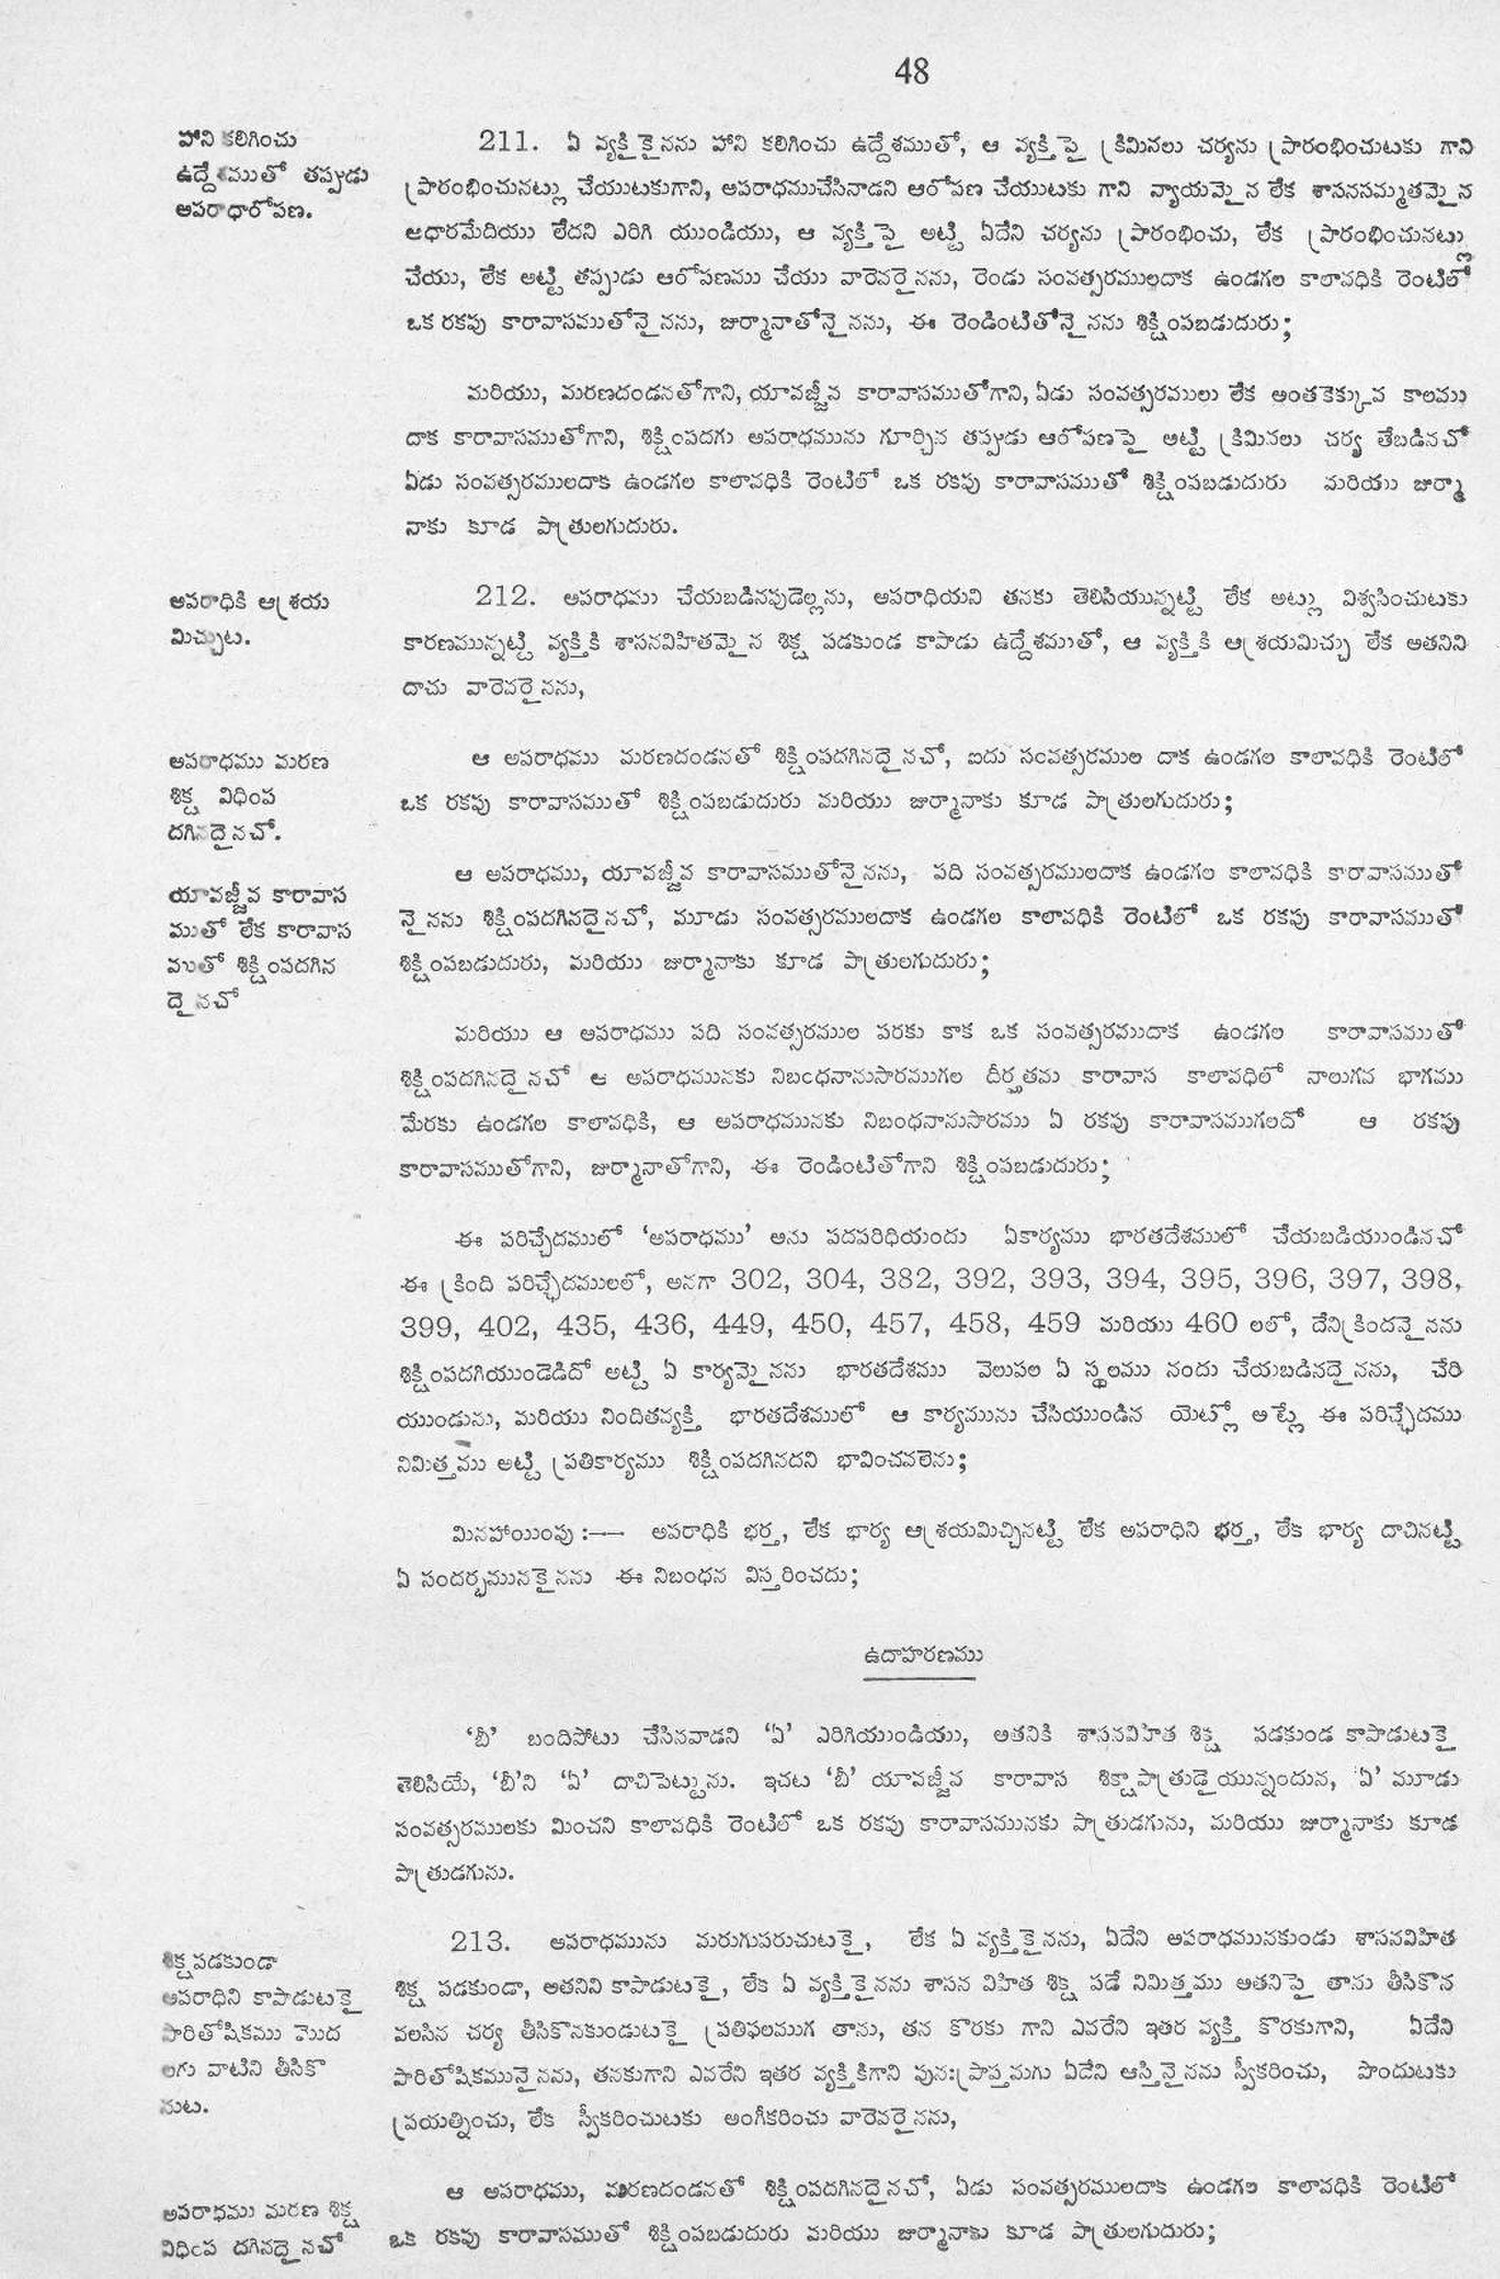హాని కలిగించు ఉద్దేశముతో తప్పుడు అపరాధారోపణ.

211. ఏ వ్యక్తి కై నను హాని కలిగించు ఉద్దేశముతో, ఆ వ్యక్తిపై క్రిమినలు చర్యను ప్రారంభించుటకు గాని ప్రారంభించునట్లు చేయుటకుగాని, అపరాధము చేసినాడని ఆరోపణ చేయుటకు గాని న్యాయమైన లేక శాసనసమ్మతమైన
ఆధారమేదియు లేదని ఎరిగి యుండియు, ఆ వ్యక్తి పై అట్టి ఏదేని చర్యను ప్రారంభించు, లేక ప్రారంభించునట్లు
చేయు, లేక అట్టి తప్పుడు ఆరోపణము చేయు వారెవరైనను, రెండు సంవత్సరములదాక ఉండగల కాలావధికి రెంటిలో
ఒక రకపు కారావాసముతోనైనను, జుర్మానాతోనైనను, ఈ రెండింటితోనై నను శిక్షింపబడుదురు;

మరియు, మరణదండనతోగాని, యావజ్జీవ కారావాసముతోగాని, ఏడు సంవత్సరములు లేక అంత కెక్కువ కాలము
దాక కారావాసముతో గాని, శిక్షింపదగు అపరాధమును గూర్చిన తప్పుడు ఆరోపణపై అట్టి క్రిమినలు చర్య తేబడినచో
ఏడు సంవత్సరములదాక ఉండగల కాలావధికి రెంటిలో ఒక రకపు కారావాసముతో శిక్షింపబడుదురు మరియు జుర్మా
నాకు కూడ పాత్రులగుదురు.

అపరాధికి ఆశ్రయ మిచ్చుట.

212, అపరాధము చేయబడినపుడెల్లను, అపరాధియని తనకు తెలిసియున్నట్టి లేక అట్లు విశ్వసించుటకు
కారణమున్నట్టి వ్యక్తికి శాసనవిహితమైన శిక్ష పడకుండ కాపాడు ఉద్దేశముతో, ఆ వ్యక్తికి ఆశ్రయమిచ్చు లేక అతనిని
దాచు వారెవరైనను,

అపరాధము మరణశిక్ష విధింప దగిన దైనచో.

ఆ అపరాధము మరణదండనతో శిక్షింపదగినదైనచో, ఐదు సంవత్సరముల దాక ఉండగల కాలావధికి రెంటిలో ఒక రకపు కారావాసముతో శిక్షింపబడుదురు మరియు జుర్మానాకు కూడ పాత్రులగుదురు;

యావజ్జీవ కారావాసముతో లేక కారావాసముతో శిక్షింపదగినదైనచో

ఆ అపరాధము, యావజ్జీవ కారావాసముతో నైనను, పది సంవత్సరములదాక ఉండగల కాలావధికి కారావాసముతో నైనను శిక్షింపదగినదైనచో, మూడు సంవత్సరములదాక ఉండగల కాలావధికి రెంటిలో ఒక రకపు కారావాసముతో
శిక్షింపబడుదురు, మరియు జుర్మానాకు కూడ పాత్రులగుదురు;

మరియు ఆ ఆపరాధము పది సంవత్సరముల వరకు కాక ఒక సంవత్సరముదాక ఉండగల కారావాసముతో
శిక్షింపదగినదైనచో ఆ అపరాధమునకు నిబంధనానుసారముగల దీర్ఘ తమ కారావాస కాలావధిలో నాలుగవ భాగము
మేరకు ఉండగల కాలావధికి, ఆ అపరాధమునకు నిబంధనానుసారము ఏ రకపు కారావాసముగలదో ఆ రకపు
కారావాసముతో గాని, జుర్మానాతోగాని, ఈ రెండింటితోగాని శిక్షింపబడుదురు;

ఈ పరిచ్చేదములో 'అపరాధము' అను పదపరిధియందు ఏకార్యము భారతదేశములో చేయబడియుండినచో
ఈ క్రింది పరిచ్ఛేదములలో, అనగా 302, 304, 382, 392, 393, 394, 395, 396, 397, 398, 399, 402, 435, 436, 449, 450, 457, 458, 459 మరియు 460 లలో, దేని క్రిందనైనను శిక్షింపదగియుండెడిదో అట్టి ఏ కార్యమైనను భారతదేశము వెలుపల ఏ స్థలము నందు చేయబడినదైనను, చేరి యుండును, మరియు నిందితవ్యక్తి భారతదేశములో ఆ కార్యమును చేసియుండిన యెట్లో అట్లే ఈ పరిచ్ఛేదము నిమిత్తము అట్టి ప్రతికార్యము శిక్షింపదగినదని భావించవలెను;

మినహాయింపు :-- అపరాధికి భర్త, లేక భార్య ఆశ్రయమిచ్చినట్టి లేక అపరాధిని భర్త, లేక భార్య దాచినట్టి ఏ సందర్భమున కైనను ఈ నిబంధన విస్తరించదు;

'బీ' బందిపోటు చేసినవాడని 'ఏ' ఎరిగియుండియు, అతనికి శాసనవిహిత శిక్ష పడకుండ కాపాడుటకై తెలిసియే, 'బి'ని 'ఏ' దాచి పెట్టును. ఇచట 'బీ' యావజ్జీవ కారావాస శిక్షా పాత్రుడై యున్నందున, 'ఏ' మూడు సంవత్సరములకు మించని కాలావధికి రెంటిలో ఒక రకపు కారావాసమునకు పాత్రుడగును, మరియు జుర్మానాకు కూడ పాత్రుడగును.

శిక్ష పడకుండా అపరాధిని కాపాడుటకై పారితోషికము మొదలగు వాటిని తీసికొనుట.

213. అపరాధమును మరుగుపరుచుటకై, లేక ఏ వ్యక్తి కైనను, ఏదేని అపరాధమునకుండు శాసనవిహిత శిక్ష పడకుండా, అతనిని కాపాడుటకై , లేక ఏ వ్యక్తి కైనను శాసన విహిత శిక్ష పడే నిమిత్తము అతనిపై తాను తీసికొనవలసిన చర్య తీసికొనకుండుటకై ప్రతిఫలముగ తాను, తన కొరకు గాని ఎవరేని ఇతర వ్యక్తి కొరకుగాని, ఏదేని పారితోషికమునై నను, తనకుగాని ఎవరేని ఇతర వ్యక్తి కిగాని పున:ప్రాప్తమగు ఏదేని ఆస్తి నైనను స్వీకరించు, పొందుటకు ప్రయత్నించు, లేక స్వీకరించుటకు అంగీకరించు వారెవరైనను,

అపరాధము మరణ శిక్ష విధింప దగినదైనచో

ఆ అపరాధము, మరణదండనతో శిక్షింపదగినదైనచో, ఏడు సంవత్సరములదాక ఉండగల కాలావధికి రెంటిలో
ఒక రకపు కారావాసముతో శిక్షింపబడుదురు మరియు జుర్మానాకు కూడ పాత్రులగుదురు;